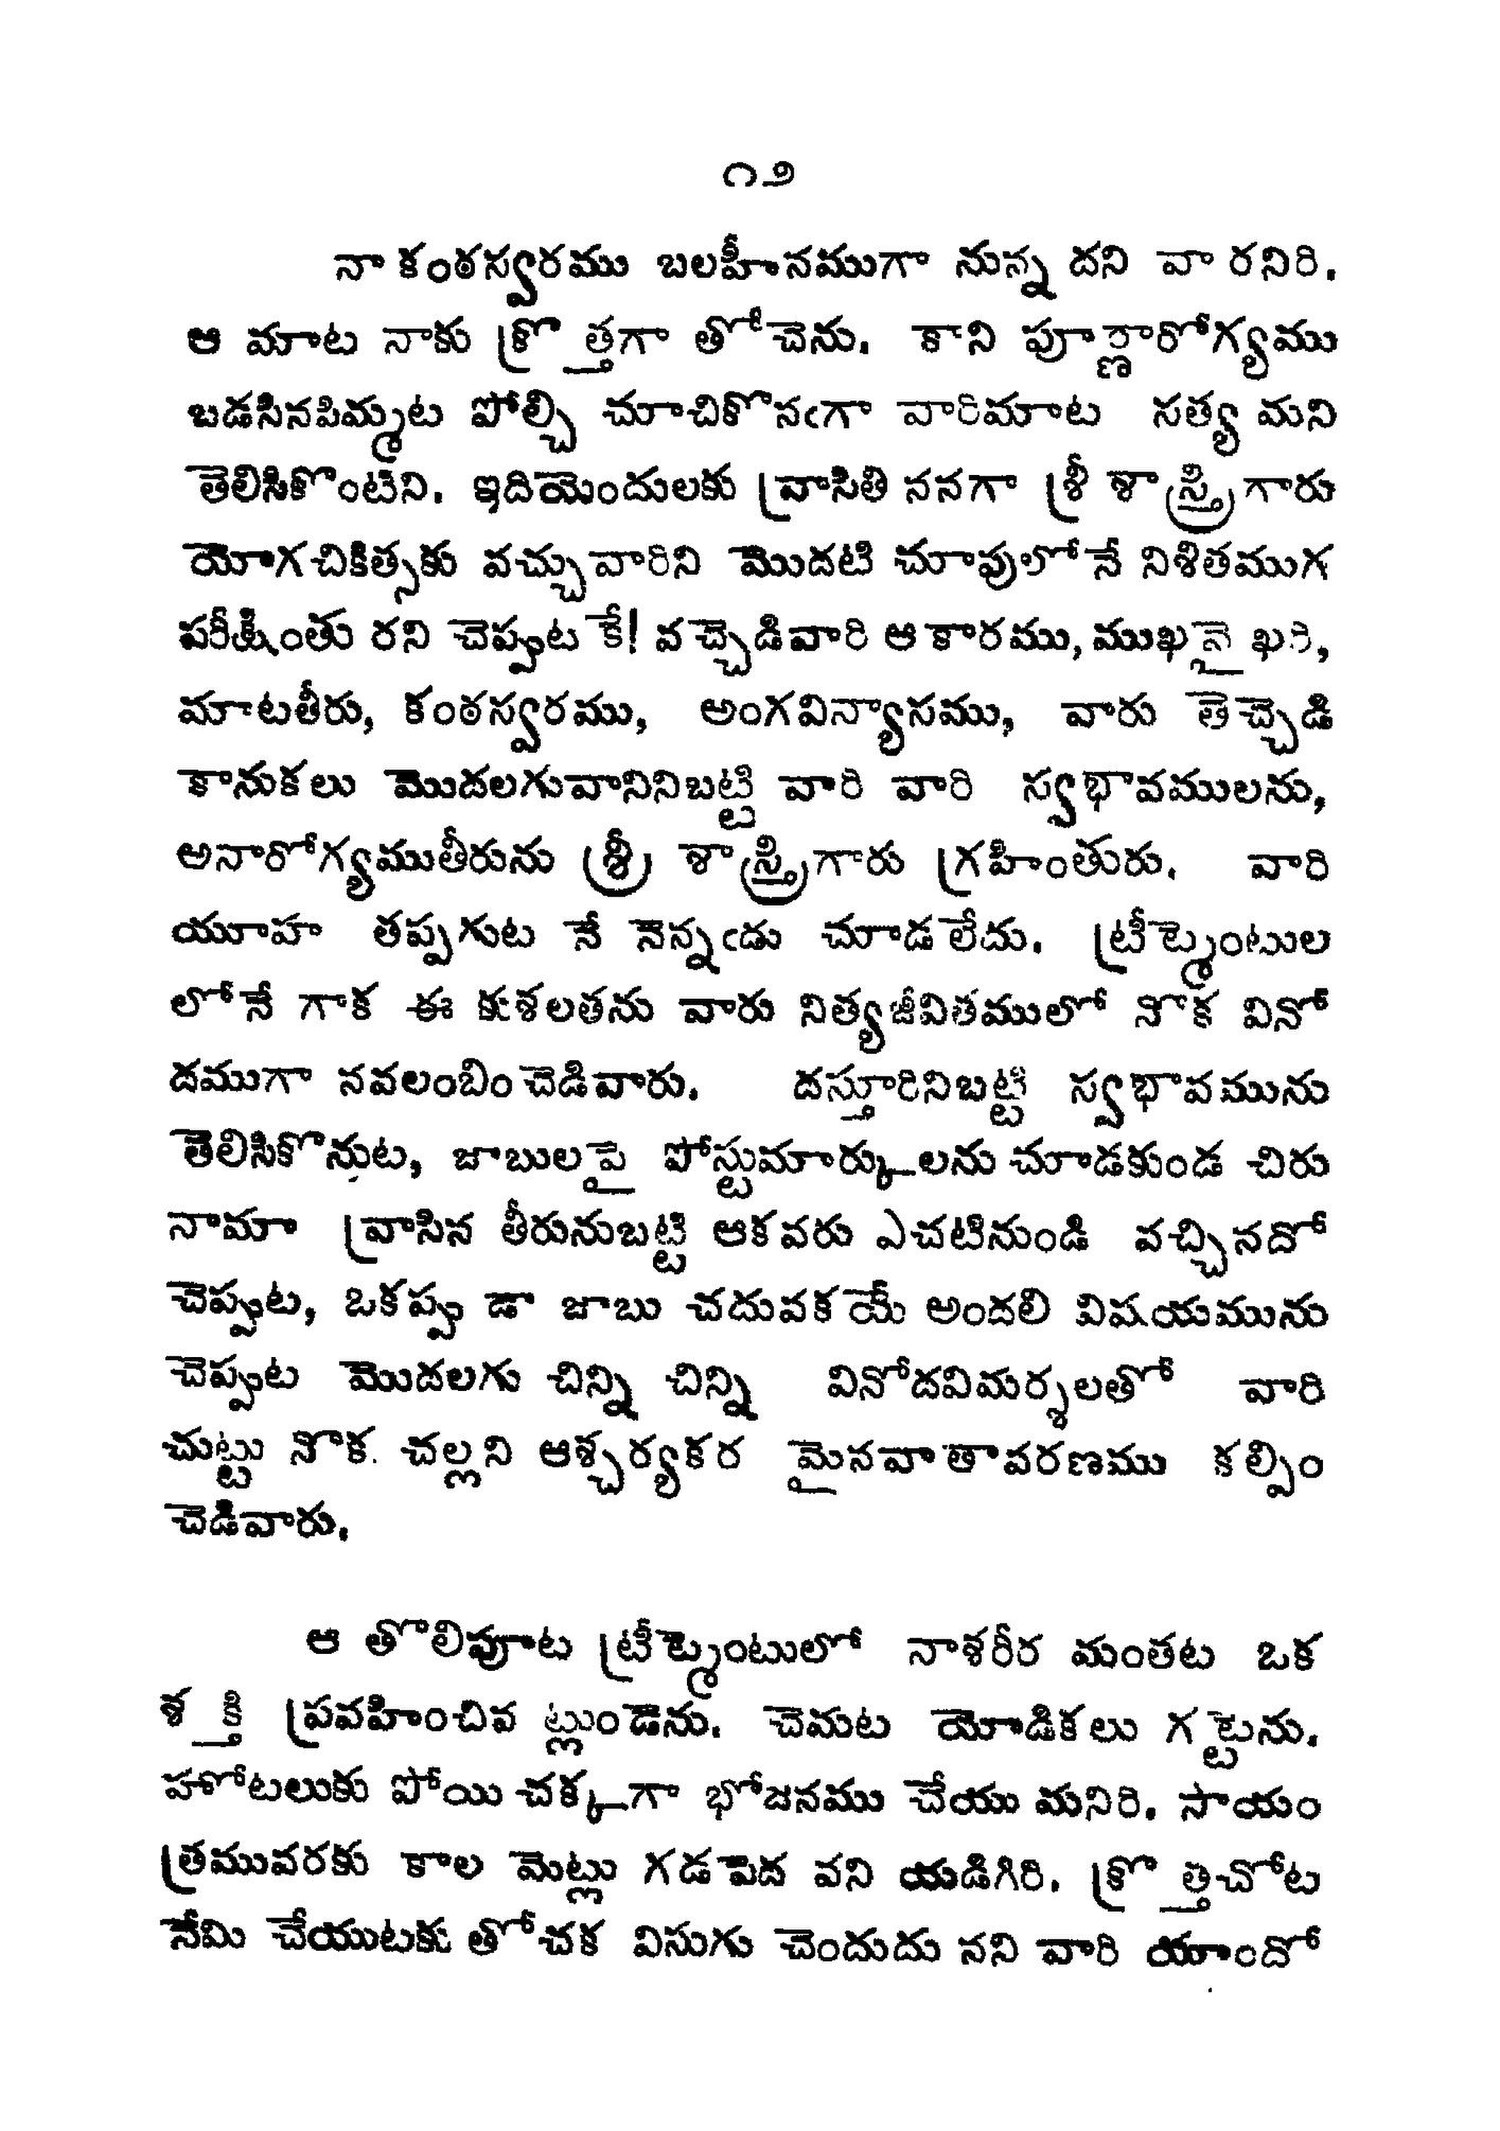నా కంఠస్వరము బలహీనముగా నున్నదని వారనిరి. ఆ మాట నాకు క్రొత్తగా తోచెను. కాని పూర్ణారోగ్యము బడసిన పిమ్మట పోల్చిచూచికొనఁగా వారి మాట సత్యమని తెలిసికొంటిని. ఇది యెందులకు వ్రాసితి ననగా శ్రీ శాస్త్రిగారు యోగచికిత్సకు వచ్చు వారిని మొదటి చూపులోనే నిశితముగ పరిక్షింతురని చెప్పుట కే!వచ్చెడివారి ఆకారము, ముఖవైఖరి, మాటతీరు, కఠస్వరము, అంగవిన్యాసము, వారు తెచ్చెడి కానుకలు మొదలగు వానిని బట్టి వారివారి స్వభావ ములను, అనారోగ్యము తీరున శ్రీ శాస్త్రిగారు గ్రహింతురు. వారి యూహ తప్పగుట నే నెన్నఁడు చూడ లేదు. ట్రీట్రెంటులలోనే గాక ఈ కుశలతను వారు నిత్య జీవితములో నొక వినోదముగా నవలంబించెడివారు. దస్తూరిని బట్టి స్వభావమును తెలిసికొనుట, జాబులపై పోస్టుమార్కులను చూడ కుండ చిరినామా వ్రాసిన తీరునుబట్టి ఆ కవరు ఎచటి నుండి వచ్చినదో చెప్పుట, ఒకప్పుడా జాబు చదువకయే అందలి విషయమును చెప్పుట మొదలగు చిన్నచిన్న వినోదవిమర్శలతో వారి చుట్టు నొక చల్లని ఆశ్చర్యకరమైన వాతావరణము కల్పించెడి వారు.

ఆ తొలిపూట ట్రీట్మేంటులో నా శరీర మంతట ఒక శక్తి ప్రవహించినట్లుండెను. చెమట యోడికలు గట్టెను. హొటలుకు పోయి చక్కగా భోజనము చేయుమనిరి. సాయంత్రము వరకు కాల మెట్లు గడ పెదవని యడగిరి. క్రొత్తచోట నేమి చేయుటకు తోచక విసుగు చెందుదునని వారి యాందో